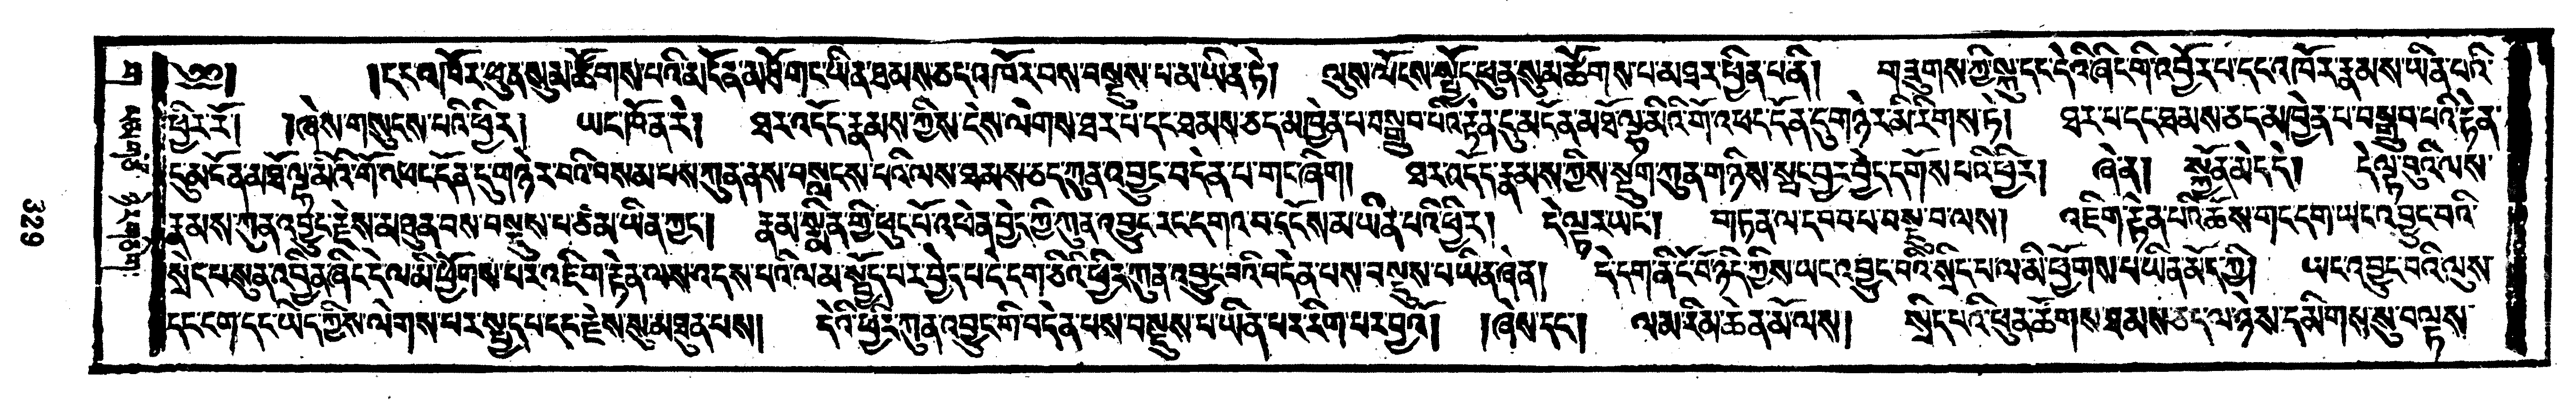༄༅། །དང་འཁོར་ཕུན་སུམ་ཚོགས་པའི་མངོན་མཐོ་གང་ཡིན་ཐམས་ཅད་འཁོར་བས་བསྡུས་པ་མ་ཡིན་ཏེ། ལུས་ལོངས་སྤྱོད་ཕུན་སུམ་ཚོགས་པ་མཐར་ཕྱིན་པ་ནི། གཟུགས་ཀྱི་སྐུ་དང་དེའི་ཞིང་གི་འབྱོར་པ་དང་འཁོར་རྣམས་ཡིན་པའི་
ཕྱིར་རོ། །ཞེས་གསུངས་པའི་ཕྱིར། ཡང་ཁོ་ན་རེ། ཐར་འདོད་རྣམས་ཀྱིས་ངེས་ལེགས་ཐར་པ་དང་ཐམས་ཅད་མཁྱེན་པ་བསྒྲུབ་པའི་རྟེན་དུ་མངོན་མཐོ་ལྷ་མིའི་གོ་འཕང་དོན་དུ་གཉེར་མི་རིགས་ཏེ། ཐར་པ་དང་ཐམས་ཅད་མཁྱེན་པ་བསྒྲུབ་པའི་རྟེན་
དུ་མངོན་མཐོ་ལྷ་མིའི་གོ་འཕང་དོན་དུ་གཉེར་བའི་བསམ་པས་ཀུན་ནས་བསླངས་པའི་ལས་ཐམས་ཅད་ཀུན་འབྱུང་བདེན་པ་གང་ཞིག། ཐར་འདོད་རྣམས་ཀྱིས་སྡུག་ཀུན་གཉིས་སྤང་བྱར་བྱེད་དགོས་པའི་ཕྱིར། ཞེ་ན། སྐྱོན་མེད་དེ། དེ་ལྟ་བུའི་ལས་
རྣམས་ཀུན་འབྱུང་རྗེས་མཐུན་བས་བསྡུས་པ་ཙམ་ཡིན་ཀྱང་། རྣམ་སྨིན་གྱི་ཕུང་པོ་འཕེན་བྱེད་ཀྱི་ཀུན་འབྱུང་རང་དགའ་བ་དངོས་མ་ཡིན་པའི་ཕྱིར། དེ་ལྟར་ཡང་། གཏན་ལ་དབབ་པ་བསྡུ་བ་ལས། འཇིག་རྟེན་པའི་ཆོས་གང་དག་ཡང་འབྱུང་བའི་
སྲེད་པ་སུན་འབྱིན་ཞིང་དེ་ལ་མི་ཕྱོགས་པར་འཇིག་རྟེན་ལས་འདས་པའི་ལམ་སྦྱོད་པར་བྱེད་པ་དེ་དག་ཅིའི་ཕྱིར་ཀུན་འབྱུང་བའི་བདེན་པས་བསྡུས་པ་ཡིན་ཞེ་ན། དེ་དག་ནི་ངོ་བོ་ཉིད་ཀྱིས་ཡང་འབྱུང་བའི་སྲིད་པ་ལ་མི་ཕྱོགས་པ་ཡིན་མོད་ཀྱི། ཡང་འབྱུང་བའི་ལུས་
དང་ངག་དང་ཡིད་ཀྱིས་ལེགས་པར་སྤྱད་པ་དང་རྗེས་སུ་མཐུན་པས། དེའི་ཕྱིར་ཀུན་འབྱུང་གི་བདེན་པས་བསྡུས་པ་ཡིན་པར་རིག་པར་བྱའོ། །ཞེས་དང་། ལམ་རིམ་ཆེན་མོ་ལས། སྲིད་པའི་ཕུན་ཚོགས་ཐམས་ཅད་ལ་ཉེས་དམིགས་སུ་བལྟས་